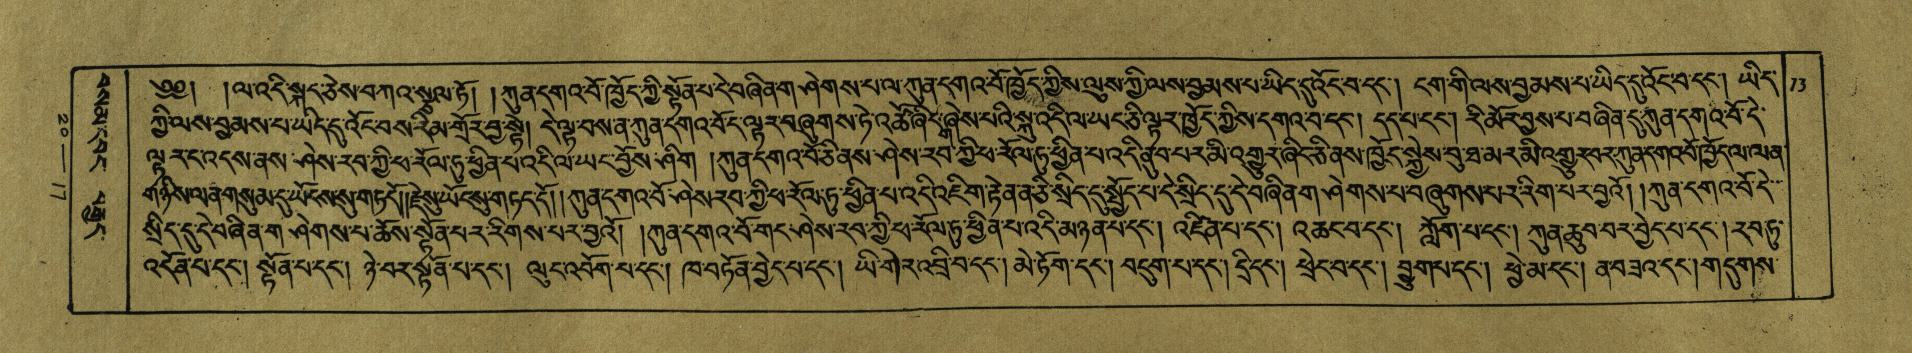༄༅། །ལ་འདི་སྐད་ཅེས་བཀའ་སྩལ་ཏོ། །ཀུན་དགའ་བོ་ཁྱོད་ཀྱི་སྟོན་པ་དེ་བཞིན་གཤེགས་པ་ལ་ཀུན་དགའ་བོ་ཁྱོད་ཀྱིས་ལུས་ཀྱི་ལས་བྱམས་པ་ཡིད་དུ་འོང་བ་དང་། ངག་གི་ལས་བྱམས་པ་ཡིད་དུ་འོང་བ་དང་། ཡིད་
ཀྱི་ལས་བྱམས་པ་ཡིད་དུ་འོང་བས་རིམ་གྲོར་བྱ་སྟེ། དེ་ལྟ་བས་ན་ཀུན་དགའ་བོ་ད་ལྟར་བཞུགས་ཏེ་འཚོ་ཞིང་ག་ཞེས་པའི་སྐུ་འདི་ལ་ཡང་ཅི་ལྟར་ཁྱོད་ཀྱིས་དགའ་བ་དང་། དད་པ་དང་། རི་མོར་བྱས་པ་བཞིན་དུ་ཀུན་དགའ་བོ་དེ་
ལྟར་ང་འདས་ནས་ཤེས་རབ་ཀྱི་ཕ་རོལ་ཏུ་ཕྱིན་པ་འདི་ལ་ཡང་བྱོས་ཤིག །ཀུན་དགའ་བོ་ཅི་ནས་ཤེས་རབ་ཀྱི་ཕ་རོལ་ཏུ་ཕྱིན་པ་འདི་ནུབ་པར་མི་འགྱུར་ཞིང་ཅི་ནས་ཁྱོད་སྐྱེས་བུ་ཐ་མར་མི་འགྱུར་བར་ཀུན་དགའ་བོ་ཁྱོད་ལ་ལན་
གཉིས་ལན་གསུམ་དུ་ཡོངས་སུ་གཏདོ། །རྗེསུ་ཡོངྶུ་གཏད་དོ། །ཀུན་དགའ་བོ་ཤེས་རབ་ཀྱི་ཕ་རོལ་ཏུ་ཕྱིན་པ་འདི་འཇིག་རྟེན་ན་ཅི་སྲིད་དུ་སྤྱོད་པ་དེ་སྲིད་དུ་དེ་བཞིན་གཤེགས་པ་བཞུགས་པར་རིག་པར་བྱའོ། །ཀུན་དགའ་བོ་དེ་
སྲིད་དུ་དེ་བཞིན་གཤེགས་པ་ཆོས་སྟོན་པར་རིགས་པར་བྱའོ། །ཀུན་དགའ་བོ་གང་ཤེས་རབ་ཀྱི་ཕ་རོལ་ཏུ་ཕྱིན་པ་འདི་མཉན་པ་དང་། འཛིན་པ་དང་། འཆང་བ་དང་། ཀློག་པ་དང་། ཀུན་ཆུབ་བར་བྱེད་པ་དང་། རབ་ཏུ་
འདོན་པ་དང་། སྟོན་པ་དང་། ཉེ་བར་སྟོན་པ་དང་། ལུང་འབོག་པ་དང་། ཁ་བཏོན་བྱེད་པ་དང་། ཡི་གེར་འབྲི་བ་དང་། མེ་ཏོག་དང་། བདུག་པ་དང་། དྲི་དང་། ཕྲེང་བ་དང་། བྱུག་པ་དང་། ཕྱེ་མ་དང་། ན་བཟའ་དང་། གདུགས་